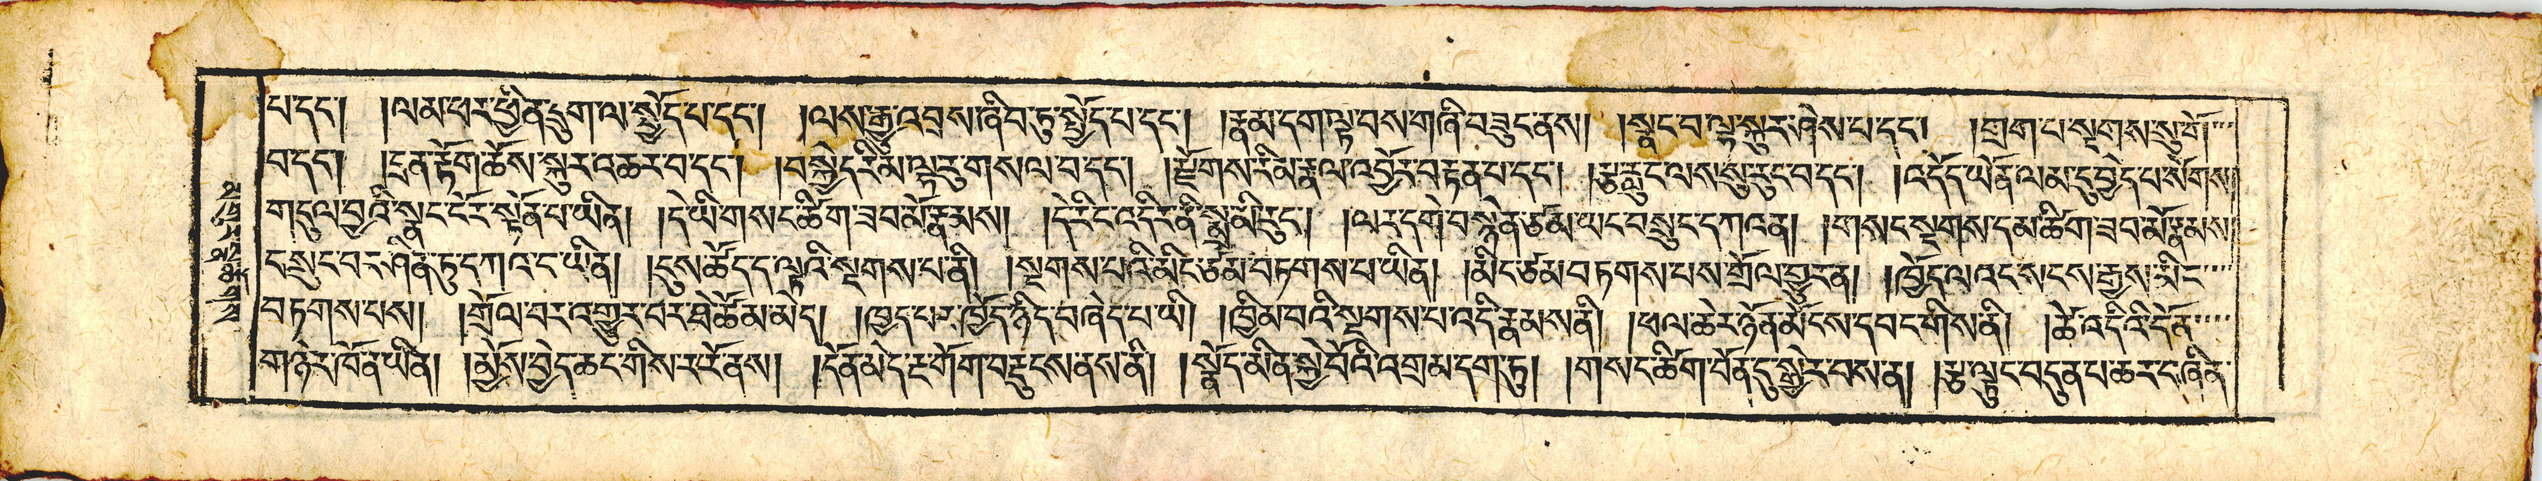པ་དང་། །ལམ་ཕར་ཕྱིན་དྲུག་ལ་སྤྱོད་པ་དང་། །ལས་རྒྱུ་འབྲས་ཞིབ་ཏུ་སྤྱོད་པ་དང་། །རྣམ་དག་ལྟ་བས་གཞི་བཟུང་ནས། །སྣང་བ་ལྟ་སྐུར་ཤེས་པ་དང་། །གྲག་པ་སྔགས་སུ་གོ་
བ་དང་། །དྲན་རྟོག་ཆོས་སྐུར་འཆར་བ་དང་། །བསྐྱེད་རིམ་ལྷ་རུ་གསལ་བ་དང་། །རྫོགས་རིམ་རྣལ་འབྱོར་བརྟན་པ་དང་། །རྩ་རླུང་ལས་སུ་རུང་བ་དང་། །འདོད་ཡོན་ལམ་དུ་བྱེད་པ་སོགས་
གདུལ་བྱའི་སྣང་ངོར་སྟོན་པ་ཡིན། །དེ་ཡི་གསང་ཚིག་ཟབ་མོ་རྣམས། །དེ་རིང་འདིར་ནི་སྨྲ་མི་རུང་། །ལར་དགེ་བསྙེན་ཙམ་ཡང་བསྲུང་དཀའ་ན། །གསང་སྔགས་དམ་ཚིག་ཟབ་མོ་རྣམས། །
བསྲུང་བར་ཤིན་ཏུ་དཀའ་བ་ཡིན། །དུས་ཚོད་ད་ལྟའི་སྔགས་པ་ནི། །སྔགས་པའི་མིང་ཙམ་བཏགས་པ་ཡིན། །མིང་ཙམ་བཏགས་པས་གྲོལ་བར་ན། །ཁྱོད་ལའང་སངས་རྒྱས་མིང་
བཏགས་པས། །གྲོལ་བར་འགྱུར་བར་ཐེ་ཚོམ་མེད། །ཁྱད་པར་ཁྱོད་ཉིད་བཞེད་པ་ཡི། །ཁྱིམ་བའི་སྔགས་པ་འདི་རྣམས་ནི། །ཕལ་ཆེར་ཉོན་མོངས་དབང་གིས་ནི། །ཚེ་འདིའི་དོན་
གཉེར་ཁོ་ན་ཡིན། །མྱོས་བྱེད་ཆང་གིས་ར་རོ་ནས། །དོན་མེད་རྔ་གོག་བརྡུངས་ནས་ནི། །སྣོད་མིན་སྐྱེ་བོའི་འགྲམ་དག་ཏུ། །གསང་ཚིག་བོན་དུ་གྱེར་བས་ན། །རྩ་ལྟུང་བདུན་པ་ཆར་བཞིན་